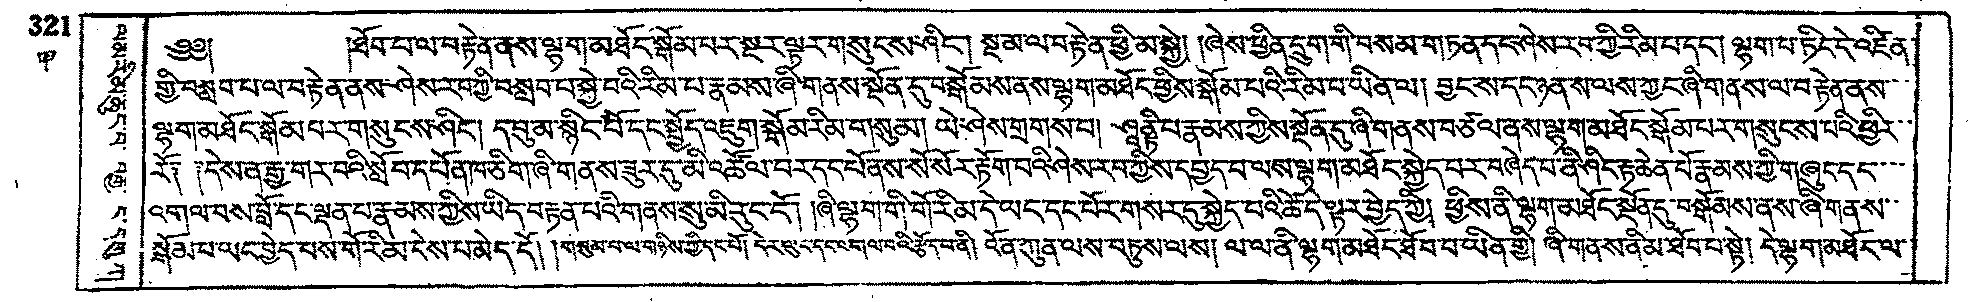༄༅། །ཐོབ་པ་ལ་བརྟེན་ནས་ལྷག་མཐོང་སྒོམ་པར་སྔར་ལྟར་གསུངས་ཤིང་། སྔ་མ་ལ་བརྟེན་ཕྱི་མ་སྐྱེ། །ཞེས་ཕྱིན་དྲུག་གི་བསམ་གཏན་དང་ཤེས་རབ་ཀྱི་རིམ་པ་དང་། ལྷག་པ་ཏིང་ངེ་འཛིན་
གྱི་བསླབ་པ་ལ་བརྟེན་ནས་ཤེས་རབ་ཀྱི་བསླབ་པ་སྐྱེ་བའི་རིམ་པ་རྣམས་ཞི་གནས་སྔོན་དུ་བསྒོམས་ནས་ལྷག་མཐོང་ཕྱིས་སྒོམ་པའི་རིམ་པ་ཡིན་ལ། བྱང་ས་དང་ཉན་ས་ལས་ཀྱང་ཞི་གནས་ལ་བརྟེན་ནས་
ལྷག་མཐོང་སྒོམ་པར་གསུངས་ཤིང་། དབུ་མ་སྙིང་པོ་དང་སྤྱོད་འཇུག་སྒོམ་རིམ་གསུམ། ཡེ་ཤེས་གྲགས་པ། ཤཱནྟི་པ་རྣམས་ཀྱིས་སྔོན་དུ་ཞི་གནས་བཙལ་ནས་ལྷག་མཐོང་སྒོམ་པར་གསུངས་པའི་ཕྱིར་
རོ༑ ༑དེས་ན་རྒྱ་གར་བའི་སློབ་དཔོན་ཁ་ཅིག་ཞི་གནས་ཟུར་དུ་མི་འཚོལ་བར་དང་པོ་ནས་སོ་སོར་རྟོག་པའི་ཤེས་རབ་ཀྱིས་དཔྱད་པ་ལས་ལྷག་མཐོང་སྐྱེད་པར་བཞེད་པ་ནི་ཤིང་རྟ་ཆེན་པོ་རྣམས་ཀྱི་གཞུང་དང་
འགལ་བས་བློ་དང་ལྡན་པ་རྣམས་ཀྱིས་ཡིད་བརྟན་པའི་གནས་སུ་མི་རུང་ངོ། །ཞི་ལྷག་གི་གོ་རིམ་དེ་ཡང་དང་པོར་གསར་དུ་སྐྱེད་པའི་ཚེ་དེ་ལྟར་བྱེད་ཀྱི། ཕྱིས་ནི་ལྷག་མཐོང་སྔོན་དུ་བསྒོམས་ནས་ཞི་གནས་
སྒོམ་པ་ཡང་བྱེད་པས་གོ་རིམ་ངེས་པ་མེད་དོ། །གསུམ་པ་ལ་གཉིས་ཀྱི་དང་པོ། དེར་ལུང་དང་འགལ་བའི་རྩོད་པ་ནི།  འོ་ན་ཀུན་ལས་བཏུས་ལས། ལ་ལ་ནི་ལྷག་མཐོང་ཐོབ་པ་ཡིན་གྱི། ཞི་གནས་ནི་མ་ཐོབ་པ་སྟེ། དེ་ལྷག་མཐོང་ལ་